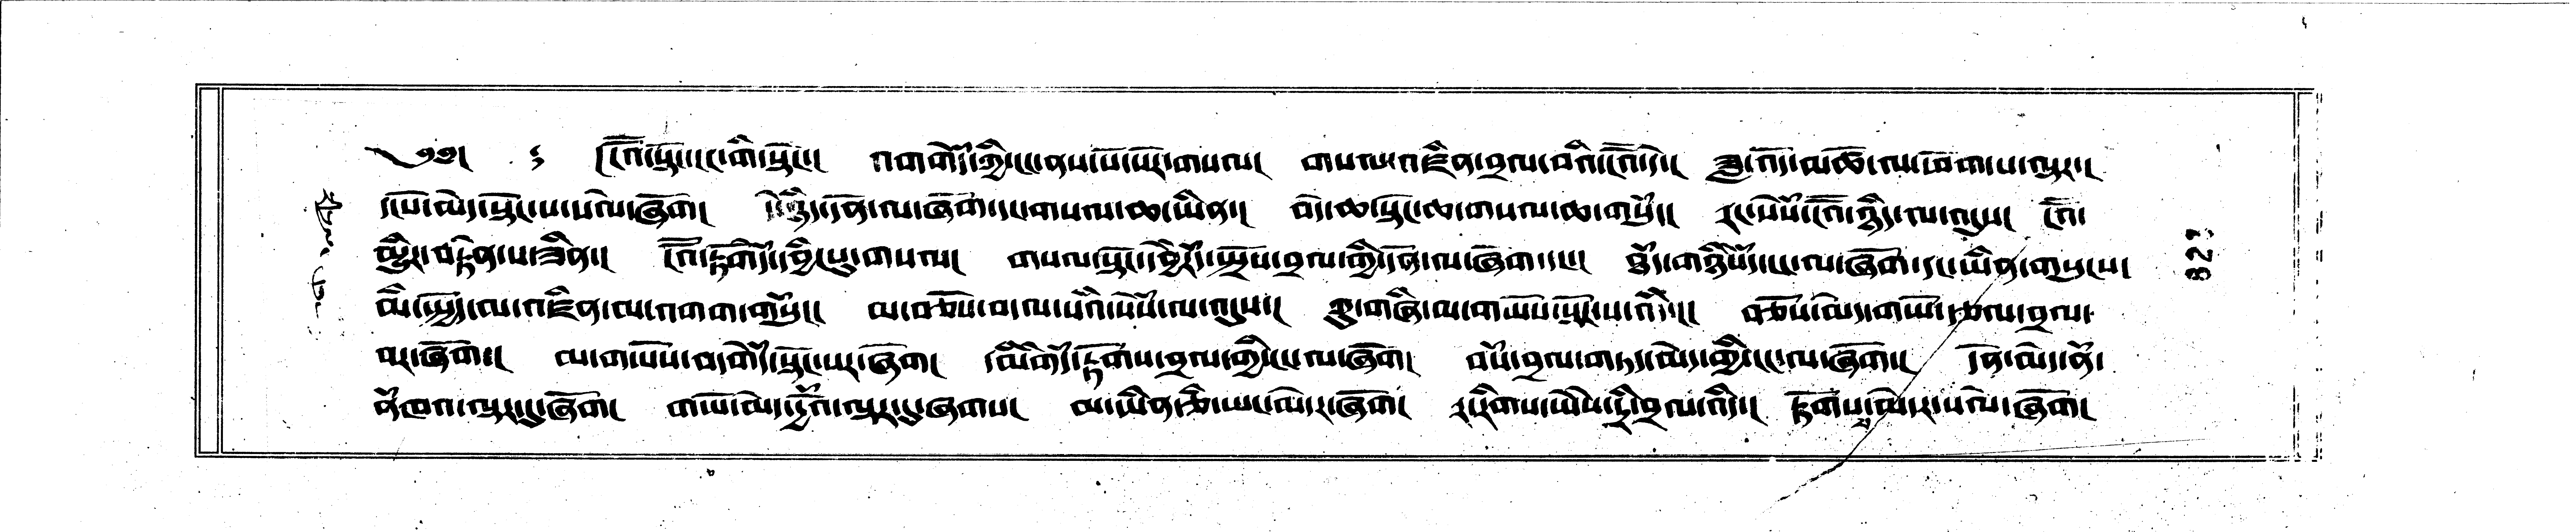ངོའོ་སྟོང་ངང་གིས་སྟོང་། །འགག་མེད་ཀྱི་ངང་ནས་སོ་སོར་གསལ། །གསལ་འཛིན་བྲལ་བའི་ངོའོ་དེ། །ཟླ་འོད་མཚོ་ལ་ཕོག་པ་ལྟར། 
།དངོས་མེད་སྟོང་པ་སལེ་ཞོག །དེ་ཉིད་དོན་ལ་ཞོག་དང་གསལ་ཆ་ཡིན། །བདེ་ཆ་སྟོང་ཆ་གསལ་ཆ་གསུམ། །རང་སེམས་ངོའོ་ཉིད་ལ་འདུས། །ངོའོ་
མི་འགྱུར་བརྟན་ས་ཟིན། །ངོའོ་རྟོག་མེད་དབྱིངས་སུ་གསལ། །གསལ་སྟོང་དབྱེར་མེད་སྤྲོས་བྲལ་གྱི་དོན་ལ་ཞོག་དང་། ཐམས་ཅད་གཉིས་མེད་ངང་ལ་ཞོག་དང་ཡིན་གསུངས། 
མི་སྤྱོད་མ་འཛིན་མ་འགག་གསུམ། །མ་བཅོས་བདལ་པའི་སེམས་ལ་འདུས། །ཀུན་གཞི་མ་གཡོས་སྟོང་པ་འདི། །བཅོས་མེད་གཡོ་རྩོལ་བྲལ་
བར་ཞོག །མ་གཡོས་བདག་མེད་སྟོང་པར་ཞོག །དམིགས་མེད་རྟོག་བྲལ་གྱི་ངང་ལ་ཞོག །བསམ་བྲལ་གཏད་མེད་ཀྱི་ངང་ལ་ཞོག །དོན་མེད་ན་
ནམ་མཁའ་ལྟར་དུ་ཞོག །གཡོ་མེད་རྒྱ་མཚོ་ལྟར་དུ་ཞོག །མ་ཡིན་ཅི་ཡང་མེད་པར་ཞོག །རང་རིག་ཡེ་ཤེས་དྲི་བྲལ་འདི། །རྟོག་པ་མེད་པར་སལེ་ཞོག །